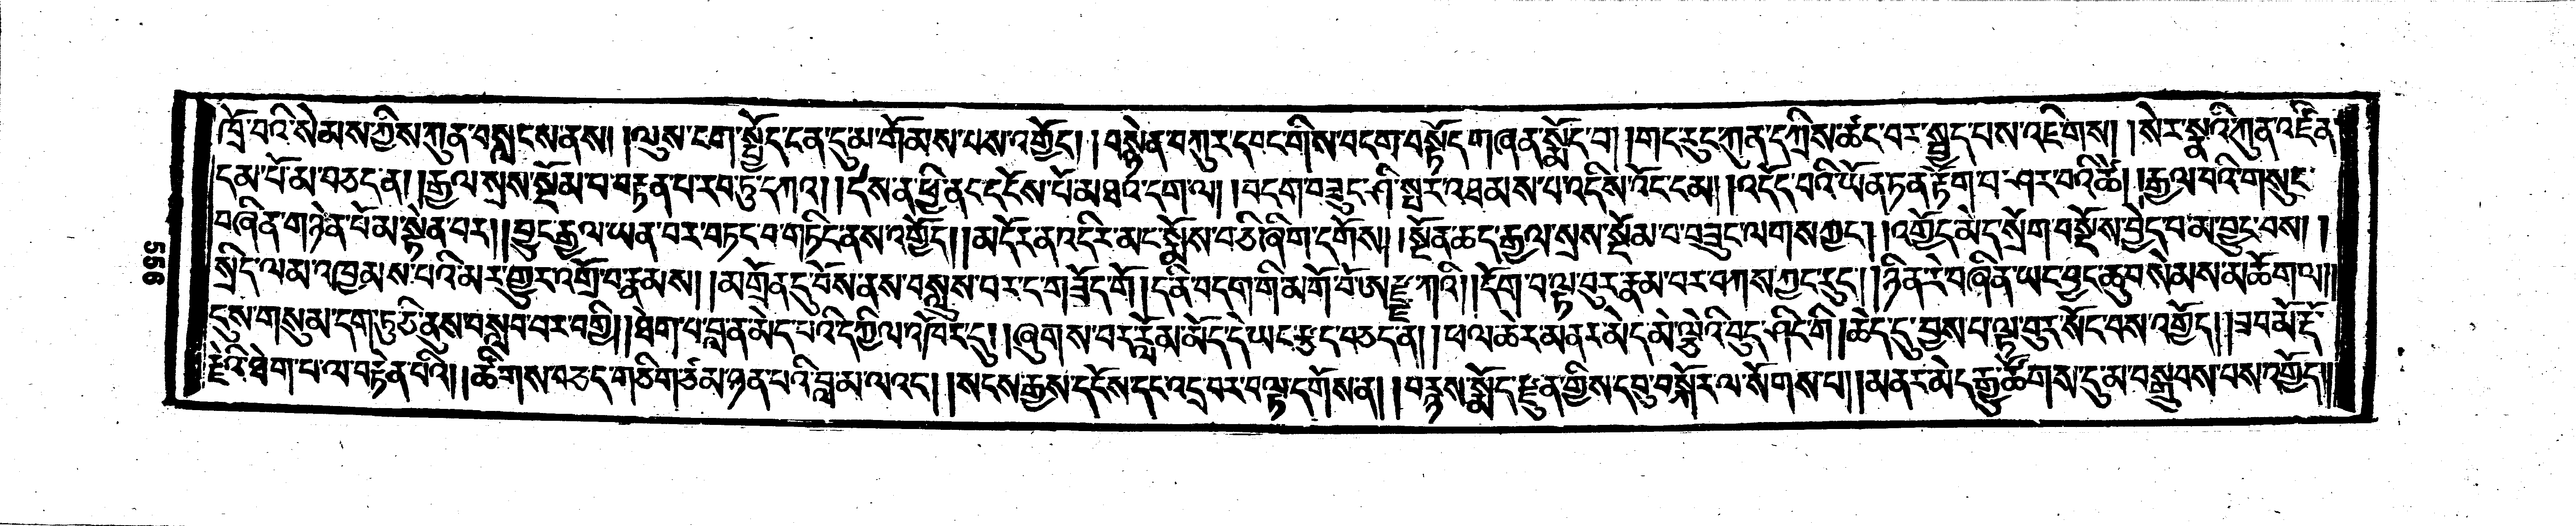ཁྲོ་བའི་སེམས་ཀྱིས་ཀུན་བསླངས་ནས། །ལུས་ངག་སྤྱོད་ངན་དུ་མ་གོམས་པས་འགྱོད། །བསྙེན་བཀུར་དབང་གིས་བདག་བསྟོད་གཞན་སྨོད་པ། །གང་རུང་ཀུན་དཀྲིས་ཚང་བར་སྤྱད་པས་འཇིགས། །སེར་སྣའི་ཀུན་འཛིན་
དམ་པོ་མ་བཅད་ན། །རྒྱལ་སྲས་སྡོམ་པ་བརྟན་པ་རབ་ཏུ་དཀའ། །དེས་ན་ཕྱི་ནང་དངོས་པོ་མཐའ་དག་ལ། །བདག་བཟུང་ཤི་སྤར་འཐམས་པ་འདིས་འོང་ངམ། །འདོད་པའི་ཡོན་ཏན་རྟོག་པ་ཤར་བའི་ཚེ། །རྒྱལ་བའི་གསུང་
བཞིན་གཉེན་པོ་མ་སྟེན་པར། །བྱུང་རྒྱལ་ཡན་པར་བཏང་བ་གཏིང་ནས་འགྱོད། །མདོར་ན་འདིར་མང་སྨོས་པ་ཅི་ཞིག་དགོས། །སྔོན་ཆད་རྒྱལ་སྲས་སྡོམ་པ་བཟུང་ལགས་ཀྱང་། །འགྱོད་མེད་སྲོག་བསྔོས་བྱེད་པ་མ་བྱུང་བས། །
སྲིད་ལམ་འཁྱམས་པའི་མར་གྱུར་འགྲོ་བ་རྣམས། །མགྲོན་དུ་བོས་ནས་བསླུས་པར་ང་གཟོད་གོ །ད་ནི་བདག་གི་མགོ་བོ་ཨརྫྲྫ་ཀའི། །དོག་པ་ལྟ་བུར་རྣམ་པར་བཀས་ཀྱང་རུང་། །ཉེན་རེ་བཞིན་ཡང་བྱང་ཆུབ་སེམས་མཆོག་ལ། །
དུས་གསུམ་དག་ཏུ་ཅི་ནུས་བསླབ་པར་བགྱི། །ཐེག་པ་བླ་ན་མེད་པའི་དཀྱིལ་འཁོར་དུ། །ཞུགས་པར་རློམ་མོད་དེ་ཡང་རྩད་བཅད་ན། །ཕལ་ཆེར་མནར་མེད་མེ་ལྕེའི་བུད་ཤིང་གི །ཆད་དུ་བྱས་པ་ལྟ་བུར་སོང་བས་འགྱོད། །ཟབ་མོ་རྡོ་
རྗེའི་ཐེག་པ་ལ་བརྟེན་པའི། །ཚིགས་བཅད་གཅིག་ཙམ་ཉན་པའི་བླ་མ་ལའང་། །སངས་རྒྱས་དངོས་དང་འདྲ་བར་བལྟ་དགོས་ན། །བརྙས་སྨོད་རྫུན་གྱིས་དབུ་བསྐོར་ལ་སོགས་པ། །མནར་མེད་རྒྱུ་ཚོགས་དུ་མ་བསྒྲུབས་པས་འགྱོད།།